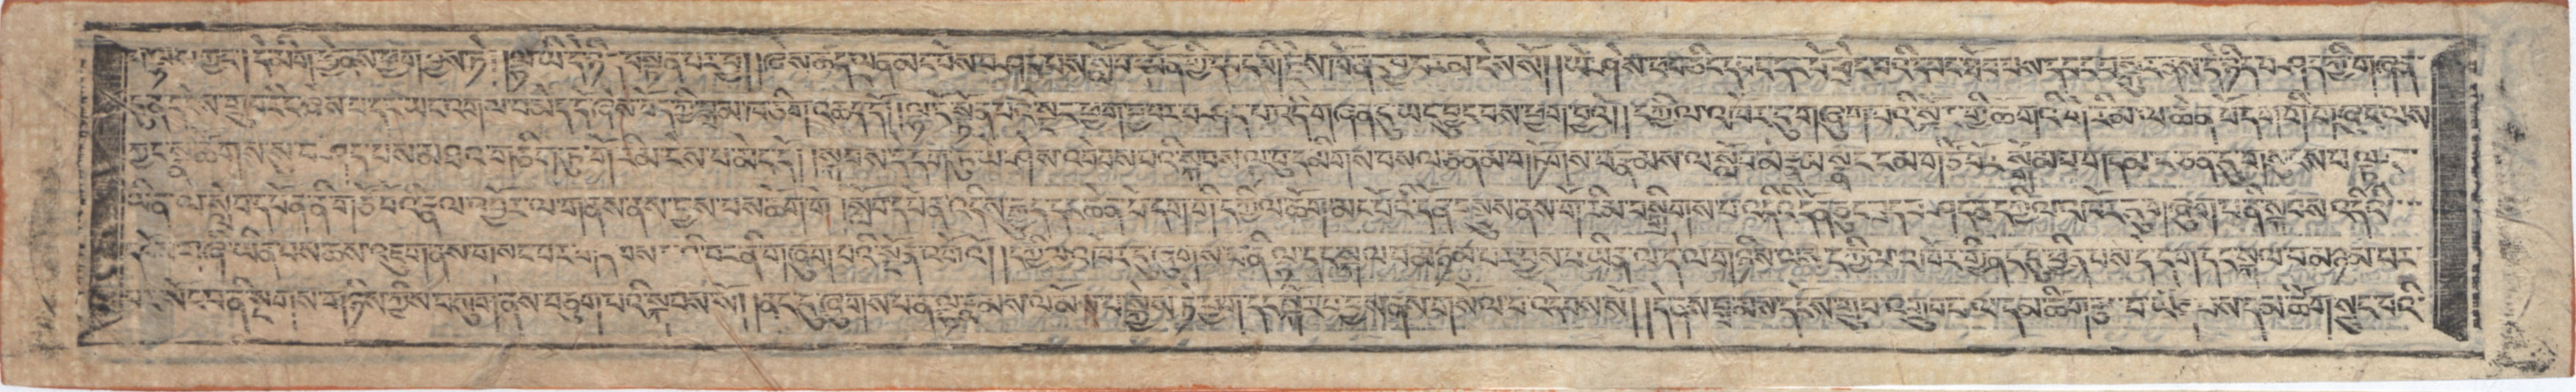པ་ལྷས་ཀྱང་། དེ་མིག་ཕྱེ་ནས་ཕྱག་བྱས་ཏེ། །ལྷ་ཡི་དེ་ཉིད་བསྟན་པར་བྱ། །ཞེས་ཚད་ལྡན་མང་པོས་བཤད་པས་སློབ་དཔོན་གྱི་དབང་གི་རྗེས་ཁོ་ནར་བྱ་བར་མ་ངེས་སོ། །ཡེ་ཤེས་ཕབ་ཅིང་དབང་དང་པོ་ཕྲེང་བའི་དབང་ཐོབ་པས་དབང་བསྐུར་ནས་དེ་ཉིད་བཤད་ཀྱི་གཞན་
དུ་ན་དངོས་གྲུབ་རིང་ཞེས་པ་དང་ཡང་འགལ་བ་མེད་དོ་ཞེས་བོད་ཀྱི་བླ་མ་ཁ་ཅིག་འཆད་དོ། །ལྷ་ངོ་སྟོན་པའི་སྔར་ཕྱག་བྱ་བར་བཤད་པ་འདི་གཞན་དུ་ཡང་བྱུང་བས་ཕྱག་བྱའོ། །དཀྱིལ་འཁོར་དུ་གཞུག་པའི་སྐོར་གྱི་ཆོ་གའི་གེ་རིམ་ལ་ཆེན་པོ་དག་གི་གཞུང་ལས་
ཀྱང་སྣ་ཚོགས་སུ་བཤད་པས་མཐའ་གཅིག་ཏུ་གོ་རིམ་ངེས་པ་མེད་དོ། །སྐབས་དེ་དག་ཏུ་ཡེ་ཤེས་འབེབས་པའི་སྐབས་ལྟ་བུ་དམིགས་བསལ་ཅན་མ་གཏོགས་པ་རྣམས་ལ་སློབ་མ་རྣམ་སྣང་ངམ་གཙོ་བོར་སྒོམ་པ་གདམ་པ་ཅན་དུ་གསུངས་པ་ལྟར་
ཡིན་ལ་སློབ་དཔོན་ནི་གཙོ་བོའི་རྣལ་འབྱོར་ལ་གནས་ནས་བྱས་པས་ཆོག་གོ །སློབ་དཔོན་འདིས་རྒྱུད་དང་ཆེན་པོ་དག་གི་དཀྱིལ་ཆོག་མང་པོའི་དོན་བསྡུས་ནས་གོ་རིམ་བསྒྲིགས་པ་འདིའི་དོན་ཅུང་ཟད་བཤད་ན་དཀྱིལ་འཁོར་དུ་གཞུག་པ་ནི་སྐབས་འདིའི་
དངོས་གཞི་ཡིན་པས་ཆས་འཇུག་ནས་གསང་བར་གདབས་པའི་བར་ནི་གཞུག་པའི་སྔོན་འགྲོའོ། །དཀྱིལ་འཁོར་དུ་ཞུགས་པ་ནི་ལྷ་དང་སྐལ་བ་མཉམ་པར་བྱས་པ་ཡིན་ལ་དེ་ལ་གཉིས་ལས་དཀྱིལ་འཁོར་གྱི་ནང་དུ་ཕྱིན་པས་དེ་དག་དང་སྐལ་པ་མཉམ་པར་
བར་སོང་བ་ནི་སྔགས་གཉིས་ཀྱིས་བཀུག་ནས་བཅུག་པའི་སྐབས་སོ། །ནང་དུ་ཞུགས་པ་ན་ལྷ་རྣམས་ལ་མོས་པ་སྐྱེས་ཏེ་ཕྱག་དང་སྐོར་བ་བྱས་ནས་གསོལ་བ་འདེབས་སོ། །དེ་ནས་བླ་མས་དངོས་གྲུབ་འགྲུབ་པ་ལ་དམ་ཚིག་རྩ་བ་ཡིན་པས་དམ་ཚིག་སྲུང་བའི་